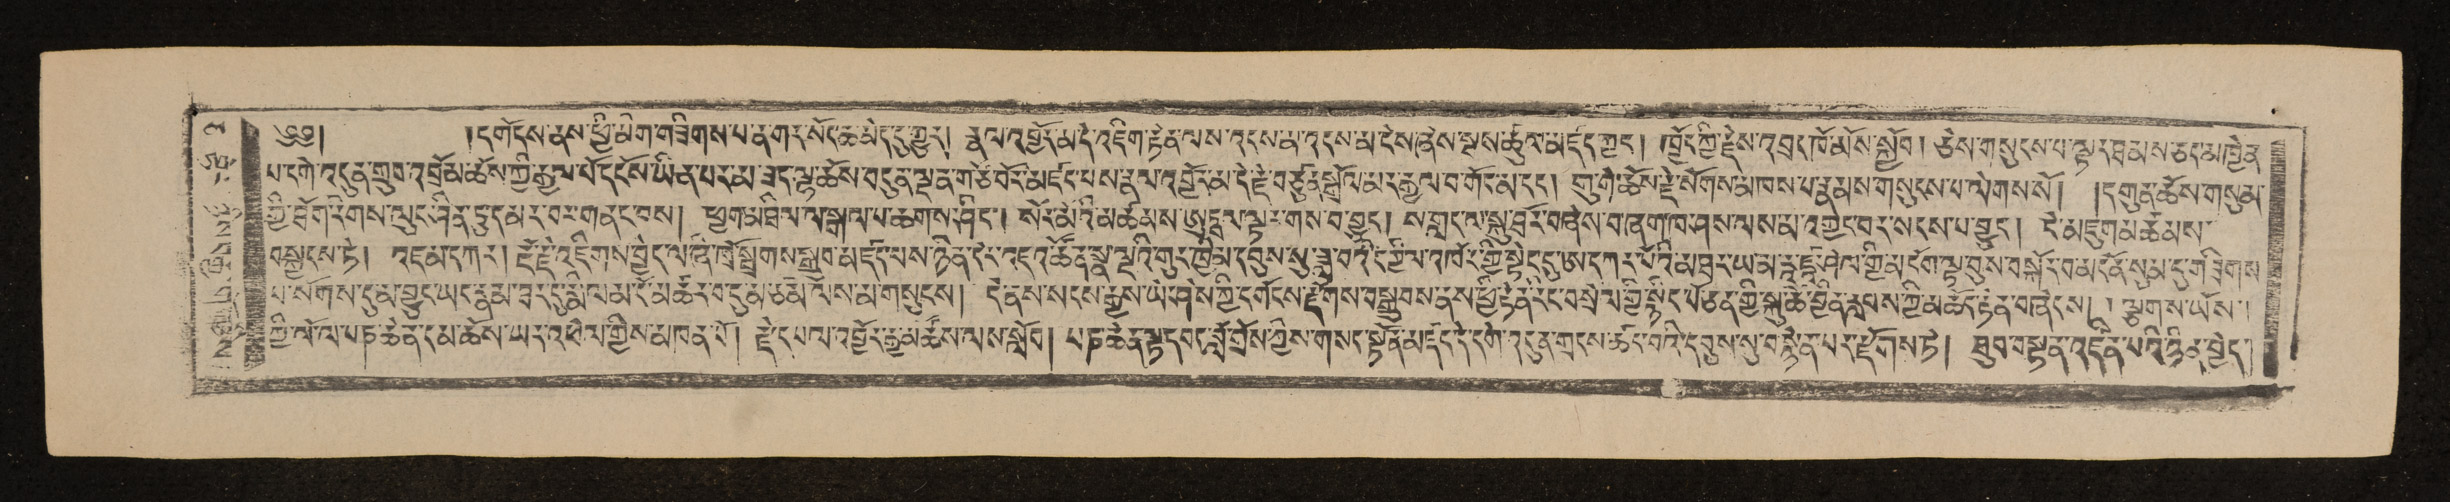༄༅། །དགོངས་ནས་ཕྱི་མིག་གཟིགས་པན་གར་སོང་ཆ་མེད་དུ་གྱུར། རྣལ་འབྱོར་མ་དེ་འཇིག་རྟེན་ལས་འདས་མ་འདས་མ་ངས་ཞས་སྤས་ཚུལ་མཛད་ཀྱང་། ཁྱོད་ཀྱི་རྗེས་འབྲང་ཁོ་མོས་སྐྱོབ། ཅེས་གསུངས་པ་ལྟར་ཐམས་ཅད་མཁྱེན་
པ་དགེ་འདུན་གྲུབ་འབྲོམ་ཆོས་ཀྱི་རྒྱལ་པོ་དངོས་ཡིན་པར་མ་ཟད་ལྷ་ཆོས་བདུན་ལྡན་གཙོ་བོར་མཛད་པས་རྣལ་འབྱོར་མ་དེ་རྗེ་བཙུན་སྒྲོལ་མར་རྒྱལ་བ་གོང་མ་དང་། གུ་གོ་ཆོས་རྗེ་སོགས་མཁས་པ་རྣམས་གསུངས་པ་ལེགས་སོ། །དགུན་ཆོས་གསུམ་
གྱི་ཐོག་རིགས་ལུང་ཤིན་ཏུ་དམར་བར་གནང་བས། ཕྱག་མཐིལ་ལ་སྒལ་བ་ཆགས་ཤིང་། སོར་མོའི་མཚམས་ཨུཏྤལ་ལྟར་གས་པ་བྱུང་། ས་གླང་ལ་སྐུ་ཐོར་བཞེས་པ་ཞག་ཁ་ཤས་ལས་མ་འགྱང་བར་སངས་པ་བྱུང་། དེ་མཇུག་མཚམས་
བསྐྱངས་ཏེ། འཇམ་དཀར། རྡོ་རྗེ་འཇིགས་བྱེད་ལ་ཞི་ཁྲོ་སྦྲགས་སྒྲུབ་མཛད་པས་ཉིན་དེར་འཇའ་ཚོན་སྣ་ལྔའི་གུར་ཁྱིམ་དབུས་སུ་ཟླ་བའི་དཀྱིལ་འཁོར་གྱི་སྟེང་དུ་ཨ་དཀར་པོའི་མཐར་ཡ་མ་རཱུ་ཛཱ་ཤེལ་གྱི་མདོག་ལྟ་བུས་བསྐོར་བ་མངོན་སུམ་དུ་གཟིགས་
པ་སོགས་དུ་མ་བྱུང་ཡང་རྣམ་ཐར་དུ་རྨི་ལམ་ངོ་མཚར་བདུ་མ་ཙམ་ལས་མ་གསུངས། དེ་ནས་སངས་རྒྱས་ཡེ་ཤེས་ཀྱི་དགོངས་རྫོགས་བསྒྲུབས་ནས་ཕྱི་རྟེན་རིང་བསྲེལ་གྱི་སྙིང་པོ་ཅན་གྱི་སྐུ་ཚེ་བྱིན་རླབས་ཀྱི་མཆོད་རྟེན་བཞེངས། ལྕགས་ཡོས་
ཀྱི་ལོ་ལ་པཎ་ཆེན་དམ་ཆོས་ཡར་འཕེལ་གྱིས་མཁན་པོ། རྗེ་དཔལ་འབྱོར་རྒྱ་མཚོས་ལས་སློབ། པཎ་ཆེན་ལྷ་དབང་བློ་གྲོས་ཀྱིས་གསང་སྟོན་མཛད་དེ་དགེ་འདུན་གྲངས་ཚང་བའི་དབུས་སུ་བསྙེན་པར་རྫོགས་ཏེ། ཐུབ་བསྟན་འཛིན་པའི་ཉིན་བྱེད་